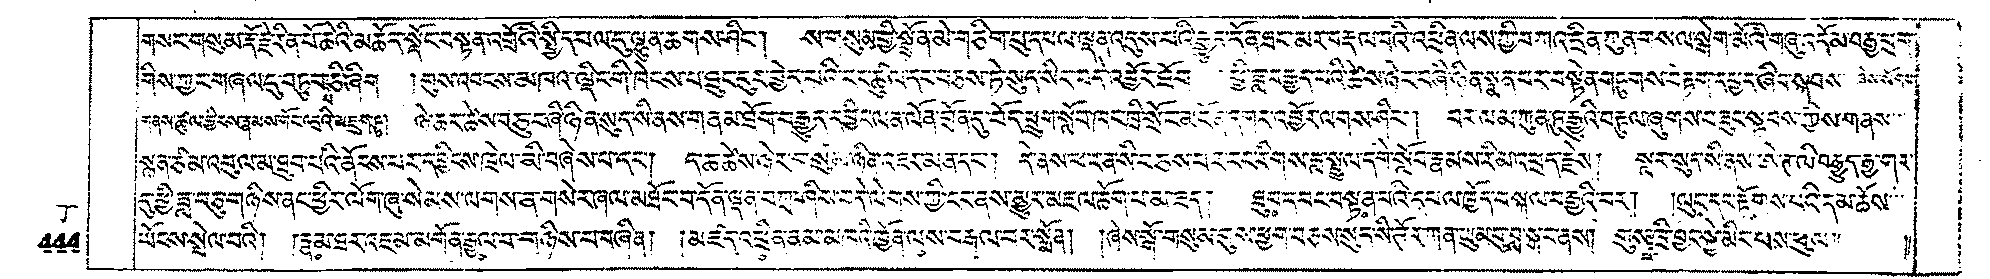གསང་གསུམ་རྡོ་རྗེ་རིན་པོ་ཆེའི་མཆོད་སྡོང་བསྟན་འགྲོའི་སྤྱི་དཔལ་དུ་ལྷུན་ཆགས་ཤིང་། ས་གསུམ་གྱི་སྒྲོན་མེ་གཅིག་པུ་དཔལ་ལྡན་འདུས་པའི་རྒྱུད་དོན་ཐང་མར་བརྡལ་བའི་འཕྲིན་ལས་ཀྱི་བཀའ་དྲིན་ཀུན་གསལ་སྒེག་མོའི་གཞུ་འདོམ་བརྒྱ་ཕྲག་
གིས་ཀྱང་གཞལ་དུ་བཏུབ་པ་ཅི་ཞིག །གུས་འབངས་མཁའ་ལྡིང་གི་ཁེངས་པ་ཐུང་ངུར་བྱེད་པའི་ངང་ཚུལ་དང་བཅས་ཏེ་སུད་སིར་བདེ་འབྱོར་ཐོག །ཕྱི་ཟླ་བརྒྱད་པའི་ཚེས་ཉེར་བཞི་ཉིན་སྨན་པར་བསྟེན་གཏུགས་བརྟག་དཔྱད་ཞིབ་སྐབས་ཞེས་སོགས་
གནས་ཚུལ་བྱིངས་རྣམས་གོང་འདྲའི་མཇུག་ཏུ། ཉེ་ཆར་ཚེས་བཅུ་བཞི་ཉིན་སུད་སི་ནས་གནམ་ཐོག་བརྒྱུད་དབྱིང་ལན་ལོན་གྲོན་དུ་བོད་ཕྲུག་སློབ་ཁང་ཁྲི་སྲོང་མངོན་དགར་འབྱོར་ལགས་ཤིང་། བར་ལམ་ཀུན་ཏུ་རྒྱུའི་བརྟུལ་ཞུགས་བཟུང་སྟབས་ཀྱིས་གནས་་་
སྙན་ཙམ་འབུལ་མ་ཐུབ་པའི་ནོངས་པར་དབྱིངས་ཁྲེལ་མི་བཞེས་པ་དང་། ད་ཆ་ཚེས་ཉེར་གསུམ་ཉིན་འཇར་མན་དང་། དེ་ནས་ཕ་རན་སི་བཅས་པར་རང་རིགས་བླ་སྤྲུལ་དགེ་སློབ་རྣམས་རིམ་འཕྲད་རྗེས། སླར་སུད་སི་ནས་ཨེ་ཊ་ལི་བརྒྱུད་རྒྱ་གར་
དུ་ཕྱི་ཟླ་བཅུ་གཉིས་ནང་ཕྱིར་ལོག་ཞུ་སེམས་ལགས་ན་གསེར་ཞལ་མཐོང་བ་དོན་ལྡན་བཀྲ་ཤིས་བདེ་ལེགས་ཀྱི་ངང་ནས་མྱུར་མཇལ་ཆོག་པ་མ་ཟད། ཐུབ྾་དབང་བསྟན྾་པའི་དཔལ་ཁྱོད་བསྐལ་བརྒྱའི་བར། །ལུང྾་དང་རྟོགས྾་པའི་དམ་ཆོས་་་
ཡོངས་སྤེལ་བའི། །རྣམ྾་ཐར་འཇམ་མགོན་རྒྱལ྾་བ་གཉིས་པ་བཞིན། །མཛད་འཕྲིན྾་ནམ་མཁའི་ཁྱོན་ལས྾་བརྒལ་བར་སྨོན། །ཞེས་སྒོ་གསུམ་གུས་ཕྱག་བཅས་སུད་སི་ཊོར་ཀན་ཡུམ་བུ་བླ་སྒང་ནས། གུས་པ་ཁྲི་བྱང་སྐྱེ་མིང་པས་ཕུལ།། །།